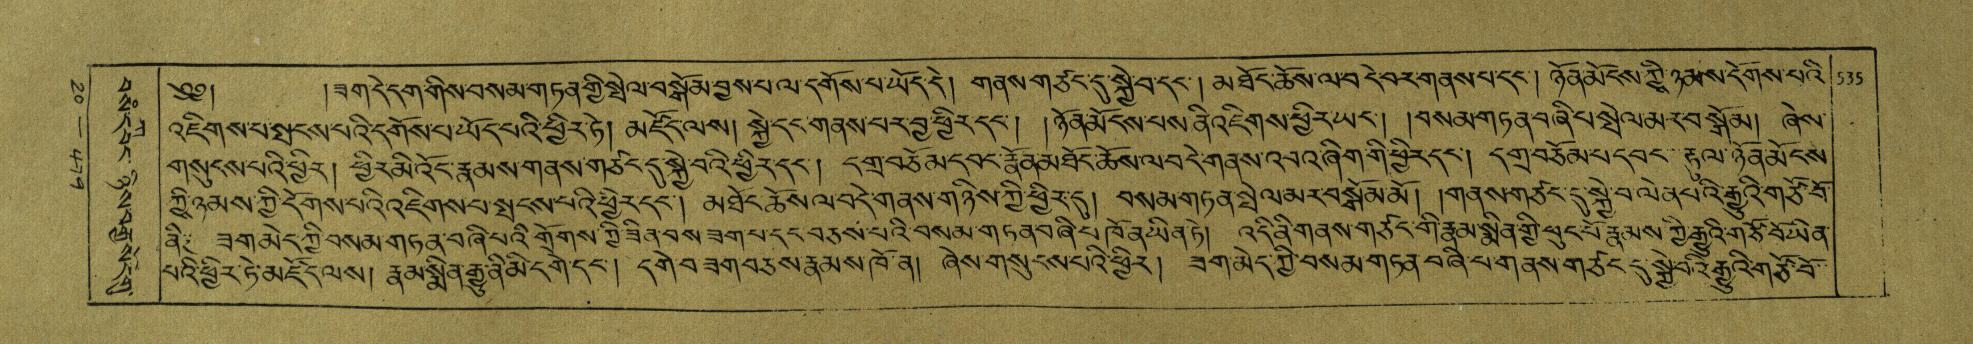༄༅། །ཟག་དེ་དག་གིས་བསམ་གཏན་གྱི་སྤེལ་བསྒོམ་བྱས་པ་ལ་དགོས་པ་ཡོད་དེ། གནས་གཙང་དུ་སྐྱེ་བ་དང་། མཐོང་ཆོས་ལ་བདེ་བར་གནས་པ་དང་། ཉོན་མོངས་ཀྱིས་ཉམས་དོགས་པའི་
འཇིགས་པ་སྤངས་པའི་དགོས་པ་ཡོད་པའི་ཕྱིར་ཏེ། མཛོད་ལས། སྐྱེ་དང་གནས་པར་བྱ་ཕྱིར་དང་། །ཉོན་མོངས་པས་ནི་འཇིགས་ཕྱིར་ཡང་། །བསམ་གཏན་བཞི་པ་སྤེལ་མར་བསྒོམ། ཞེས་
གསུངས་པའི་ཕྱིར། ཕྱིར་མི་འོང་རྣམས་གནས་གཙང་དུ་སྐྱེ་བའི་ཕྱིར་དང་། དགྲ་བཅོམ་དབང་རྣོན་མཐོང་ཆོས་ལ་བདེ་གནས་འབའ་ཞིག་གི་ཕྱིར་དང་། དགྲ་བཅོམ་པ་དབང་རྟུལ་ཉོན་མོངས་
ཀྱིས་ཉམས་ཀྱི་དོགས་པའི་འཇིགས་པ་སྤངས་པའི་ཕྱིར་དང་། མཐོང་ཆོས་ལ་བདེ་གནས་གཉིས་ཀྱི་ཕྱིར་དུ། བསམ་གཏན་སྤེལ་མར་བསྒོམ་མོ། །གནས་གཙང་དུ་སྐྱེ་བ་ལེན་པའི་རྒྱུའི་གཙོ་བོ་
ནི༑ ཟག་མེད་ཀྱི་བསམ་གཏན་བཞི་པའི་གྲོགས་ཀྱི་ཟིན་བས་ཟག་པ་དང་བཅས་པའི་བསམ་གཏན་བཞི་པ་ཁོ་ན་ཡིན་ཏེ། འདི་ནི་གནས་གཙང་གི་རྣམ་སྨིན་གྱི་ཕུང་པོ་རྣམས་ཀྱི་རྒྱུའི་གཙོ་བོ་ཡིན་
པའི་ཕྱིར་ཏེ་མཛོད་ལས། རྣམ་སྨིན་རྒྱུ་ནི་མི་དགེ་དང་། དགེ་བ་ཟག་བཅས་རྣམས་ཁོ་ན། ཞེས་གསུངས་པའི་ཕྱིར། ཟག་མེད་ཀྱི་བསམ་གཏན་བཞི་པ་གནས་གཙང་དུ་སྐྱེ་བའི་རྒྱུའི་གཙོ་བོ་